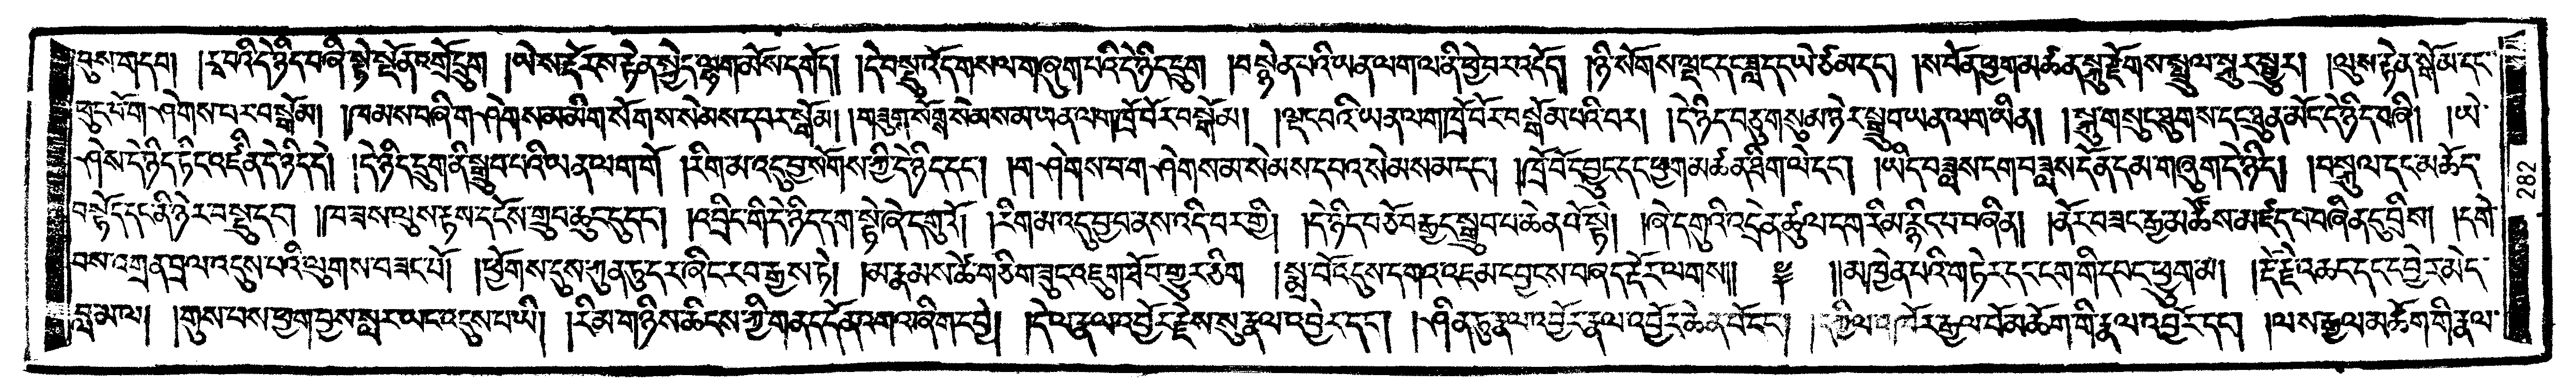བུས་གདབ། །རྭ་བའི་དེ་ཉིད་བཞི་སྟེ་སྔོན་འགྲོ་དྲུག །ཡེ་ས་རྡོར་ས་རྟེན་སྐྱེད་ལྷག་མོས་དགོད། །དེ་བསྡུ་འོད་གསལ་གཞུག་པའི་དེ་ཉིད་དྲུག །བསྙེན་པའི་ཡན་ལག་ལ་ནི་ཕྱེ་བར་འདོད། །ཉི་སོགས་ལྡང་དང་ཟླ་དང་ཡེ་ཙམ་དང་། །ས་བོན་ཕྱག་མཚན་སྐུ་རྫོགས་སྤྲུལ་སྐུར་སྒྱུར། །ལུས་རྟེན་སྒོམ་དང་
ཕུང་པོ་གཤེགས་པར་བསྒོམ། །ཁམས་བཞི་གཤེགས་མ་མིག་སོགས་སེམས་དཔར་སྒོམ། །གཟུགས་སོགས་སེམས་མ་ཡན་ལག་ཁྲོ་བོར་བསྒོམ། །ལྡང་བའི་ཡན་ལག་ཁྲོ་བོར་བསྒོམ་པའི་བར། །དེ་ཉིད་བཅུ་གསུམ་ཉེར་སྒྲུབ་ཡན་ལག་ཡིན། །སྐུ་གསུང་ཐུགས་དང་ཐུན་མོང་དེ་ཉིད་བཞི། །ཡེ་
ཤེས་དེ་ཉིད་ཏིང་འཛིན་དེ་ཉིད་དེ། །དེ་ཉིད་དྲུག་ནི་སྒྲུབ་པའི་ཡན་ལག་གོ །རིག་མ་འདུ་བྱས་སོགས་ཀྱི་དེ་ཉིད་དང་། །གཤེགས་པ་གཤེགས་མ་སེམས་དཔའ་སེམས་མ་དང་། །ཁྲོ་བོ་དབྱུང་དང་ཕྱག་མཚན་ཐིག་ལེ་དང་། །ཡིད་བཟླས་ངག་བཟླས་དོན་དམ་གཞུག་དེ་ཉིད། །བསྐུལ་དང་མཆོད་
བསྟོད་དང་ནི་ཉེར་བསྡུ་དང་། །ཁ་ཟས་ལུས་རྟས་དངོས་གྲུབ་ཆུང་དུ་དང་། །འབྲིང་གི་དེ་ཉིད་དག་སྟེ་ཞེ་དགུའོ། །རིག་མ་འདུ་བྱ་བ་ནས་འདི་བར་གྱི། །དེ་ཉིད་བཅོ་བརྒྱད་སྒྲུབ་པ་ཆེན་པོ་སྟེ། །ཞེ་དགུའི་འདྲེན་ཚུལ་དག་རིམ་རྙིང་པ་བཞིན། །ནོར་བཟང་རྒྱ་མཚོས་མཛད་པ་བཞིན་དུ་བྲིས། །དགེ་
བས་འགྲན་བྲལ་འདུས་པའི་ལུགས་བཟང་པོ། །ཕྱོགས་དུས་ཀུན་ཏུ་དར་ཞིང་རབ་རྒྱས་ཏེ། །མ་རྣམས་ཚེ་གཅིག་ཟུང་འཇུག་ཐོབ་གྱུར་ཅིག །སྨྲ་བོ་འདུས་དགའ་འཇམ་དབྱངས་བཞད་རྡོར་ལགས།། ༈ །།མཁྱེན་པའི་གཏེར་དང་ངག་གི་དབང་ཕྱུག་མ། །རྡོ་རྗེ་འཆང་དང་དབྱེར་མེད་
བླ་མ་ལ། །གུས་པས་ཕྱག་བྱས་སླར་ཡང་འདུས་པ་ཡི། །རིམ་གཉིས་ཆིངས་ཀྱི་གནད་དོན་འགའ་ཞིག་དབྱེ། །དེ་ལ་རྣལ་འབྱོར་རྗེས་སུ་རྣལ་འབྱོར་དང་། །ཤིན་ཏུ་རྣལ་འབྱོར་རྣལ་འབྱོར་ཆེན་པོ་དང་། །དཀྱིལ་འཁོར་རྒྱལ་པོ་མཆོག་གི་རྣལ་འབྱོར་དང་། །ལས་རྒྱལ་མཆོག་གི་རྣལ་